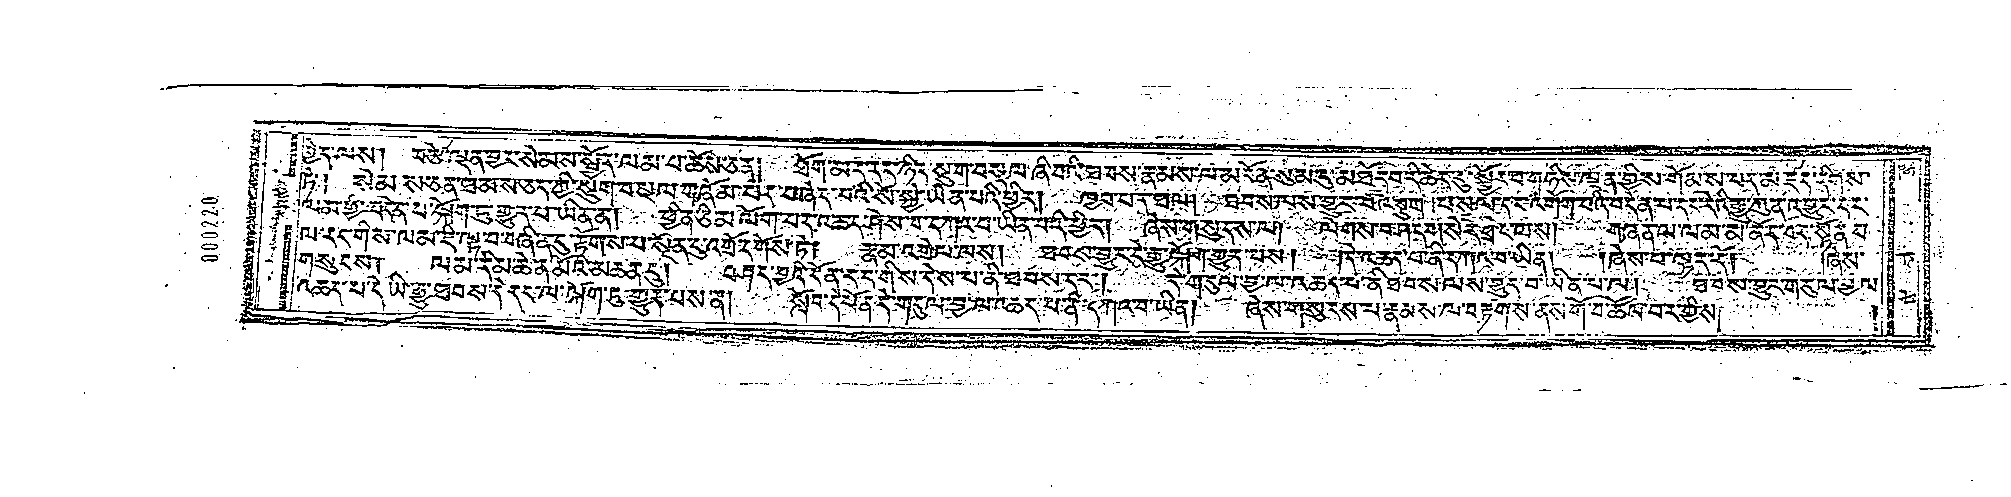བྱེད་ལས། བརྩེ་ལྡན་བྱང་སེམས་སྤྱོར་ལམ་པ་ཆོས་ཅན། ཐོག་མར་རང་ཉིད་སྡུག་བསྔལ་ཞི་བའི་ཐབས་རྣམས་ལ་མངོན་སུམ་དུ་མཐོད་བའི་ཆེར་དུ་སྦྱོར་བ་གཉིས་ལྡན་གྱིས་གོམས་པར་མཛད་རིགས་
ཏེ། སེམས་ཅན་ཐམས་ཅད་ཀྱི་སྡུག་བསྔལ་གཞོམ་པར་བཞེད་པའི་སོ་སྐྱེ་ཡིན་པའི་ཕྱིར། ཁྱབ་པར་ཐལ། ཐབས་ལས་བྱུང་བའི་སྡུག་བསྔལ་དང་འགོག་པའི་བདེན་པ་དང་དེའི་རྒྱུ་ཀུན་འབྱུང་དང་
ལམ་གྱི་བདེན་པ་ལྐོག་ཏུ་གྱུར་པ་ཡིན་ན། ཕྱིན་ཅི་མ་ལོག་པར་འཆད་ཤེས་བ་དཀའ་བ་ཡིན་པའི་ཕྱིར། ཞེས་གསུངས་ལ། ལེགས་བཤད་གསེར་ཕྲེང་ལས། གཞན་ལ་ལམ་མ་ནོར་བར་སྟོན་པ་
ལ་རང་གིས་ལམ་ཇི་ལྟ་བ་བཞིན་དུ་རྟོགས་པ་སྔོན་དུ་འགྲོ་དགོས་ཏེ། རྣམ་འགྲེལ་ལས། ཐབས་བྱུང་དེ་རྒྱུ་ལྐོག་གྱུར་པས། །དེ་འཆད་པ་ནི་དཀའ་བ་ཡིན། །ཞེས་པ་ལྟར་རོ། །ཞེས་
གསུངས། ལམ་རིམ་ཆེན་མོའི་མཆན་དུ། བཤད་བྱའི་དོན་རང་གིས་དེས་པ་ནི་ཐབས་དང་། དེ་གདུལ་བྱ་ལ་འཆད་པ་ནི་ཐབས་ལས་བྱུང་བ་ཡིན་པ་ལ། ཐབས་བྱུང་གདུལ་བྱ་ལ་
འཆད་པ་དེ་ཡི་རྒྱུ་ཐབས་དེ་རང་ལ་ལྐོག་ཏུ་གྱུར་པས་ན། སློབ་དཔོན་དེ་གདུལ་བྱ་ལ་འཆད་པ་ནི་དཀའ་བ་ཡིན། ཞེས་གསུངས་པ་རྣམས་ལ་བརྟགས་ནས་གོ་བ་ཆོས་བར་གྱིས། །